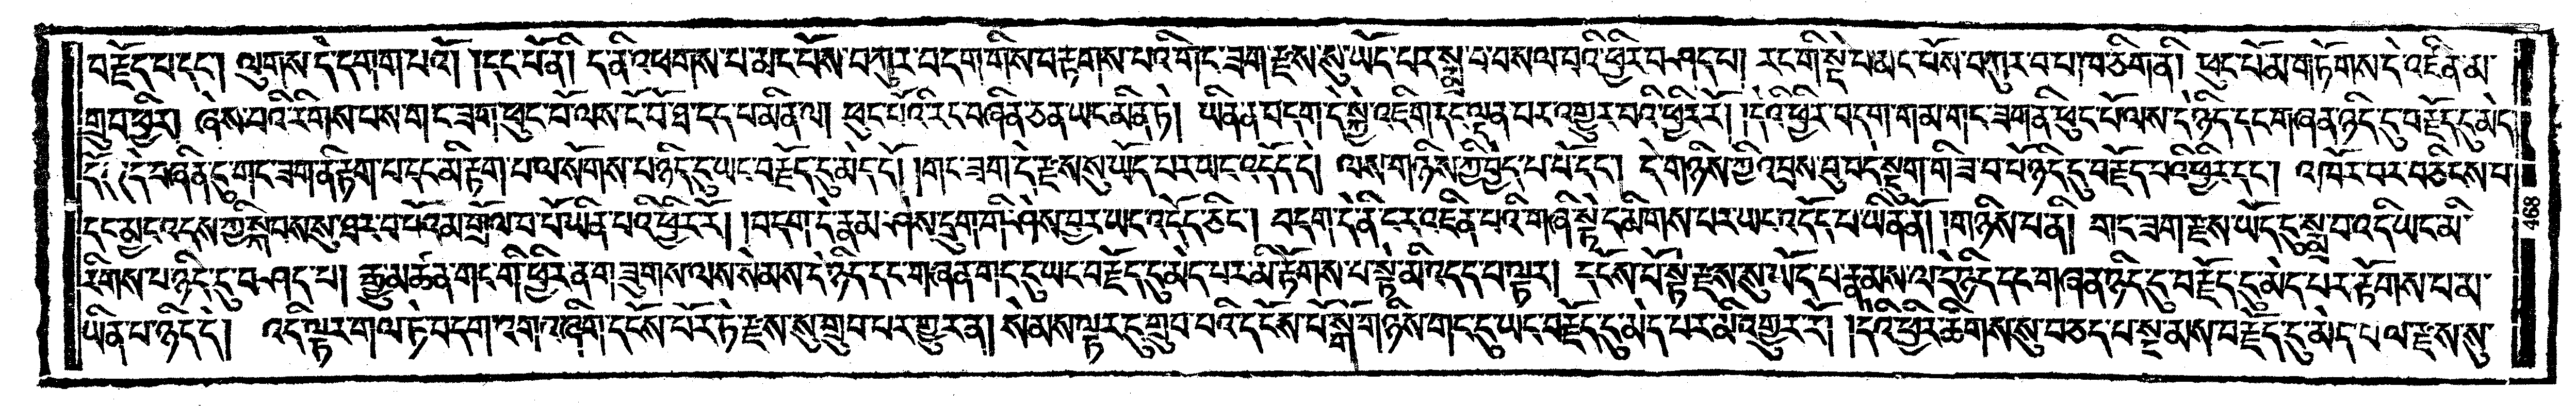བརྗོད་པ་དང་། ལུགས་དེ་དགག་པའོ། །དང་པོ་ནི། ད་ནི་འཕགས་པ་མང་པོས་བཀུར་བ་དག་གིས་བརྟགས་པའི་གང་ཟག་རྫས་སུ་ཡོད་པར་སྨྲ་བ་བསལ་བའི་ཕྱིར་བཤད་པ། རང་གི་སྡེ་པ་མང་པོས་བཀུར་བ་པ་ཁ་ཅིག་ནི། ཕུང་པོ་མ་གཏོགས་དེ་འཛིན་མ་
གྲུབ་ཕྱིར། ཞེས་པའི་རིགས་པས་གང་ཟག་ཕུང་པོ་ལས་ངོ་བོ་ཐ་དད་པ་མིན་ལ། ཕུང་པོའི་རང་བཞིན་ཅན་ཡང་མིན་ཏེ། ཡིན་ན་བདག་དེ་སྐྱེ་འཇིག་དང་ལྡན་པར་འགྱུར་བའི་ཕྱིར་རོ། །དེའི་ཕྱིར་བདག་གམ་གང་ཟག་ནི་ཕུང་པོ་ལས་དེ་ཉིད་དང་གཞན་ཉིད་དུ་བརྗོད་དུ་མེད་
དོ༑ ༑དེ་བཞིན་དུ་གང་ཟག་ནི་རྟག་པ་དང་མི་རྟག་པ་ལ་སོགས་པ་ཉིད་དུ་ཡང་བརྗོད་དུ་མེད་དོ། །གང་ཟག་དེ་རྫས་སུ་ཡོད་པར་ཡང་འདོད་དེ། ལས་གཉིས་ཀྱི་བྱེད་པ་པོ་དང་། དེ་གཉིས་ཀྱི་འབྲས་བུ་བདེ་སྡུག་གི་ཟ་བ་པོ་ཉིད་དུ་བརྗོད་པའི་ཕྱིར་དང་། འཁོར་བར་བཅིངས་པ་
དང་མྱང་འདས་ཀྱི་སྐབས་སུ་ཐར་བ་པོའམ་གྲོལ་བ་པོ་ཡིན་པའི་ཕྱིར་རོ། །བདག་དེ་རྣམ་ཤེས་དྲུག་གི་ཤེས་བྱར་ཡང་འདོད་ཅིང་། བདག་དེ་ནི་ངར་འཛིན་པའི་གཞི་སྟེ་དམིགས་པར་ཡང་འདོད་པ་ཡིན་ནོ། །གཉིས་པ་ནི། གང་ཟག་རྫས་ཡོད་དུ་སྨྲ་བ་འདི་ཡང་མི་
རིགས་པ་ཉིད་དུ་བཤད་པ། རྒྱུ་མཚན་གང་གི་ཕྱིར་ན་གཟུགས་ལས་སེམས་དེ་ཉིད་དང་གཞན་གང་དུ་ཡང་བརྗོད་དུ་མེད་པར་མི་རྟོགས་པ་སྟེ་མི་འདོད་པ་ལྟར། དངོས་པོ་སྟེ་རྫས་སུ་ཡོད་པ་རྣམས་ལ་དེ་ཉིད་དང་གཞན་ཉིད་དུ་བརྗོད་དུ་མེད་པར་རྟོགས་པ་མ་
ཡིན་པ་ཉིད་དེ། འདི་ལྟར་གལ་ཏེ་བདག་འགའ་ཞིག་དངོས་པོར་ཏེ་རྫས་སུ་གྲུབ་པར་གྱུར་ན། སེམས་ལྟར་དུ་གྲུབ་པའི་དངོས་པོ་སྒོ་གཉིས་གང་དུ་བརྗོད་དུ་མེད་པར་མི་འགྱུར་རོ། །དེའི་ཕྱིར་ཚིགས་སུ་བཅད་པ་སྔ་མས་བརྗོད་དུ་མེད་པ་ལ་རྫས་སུ་